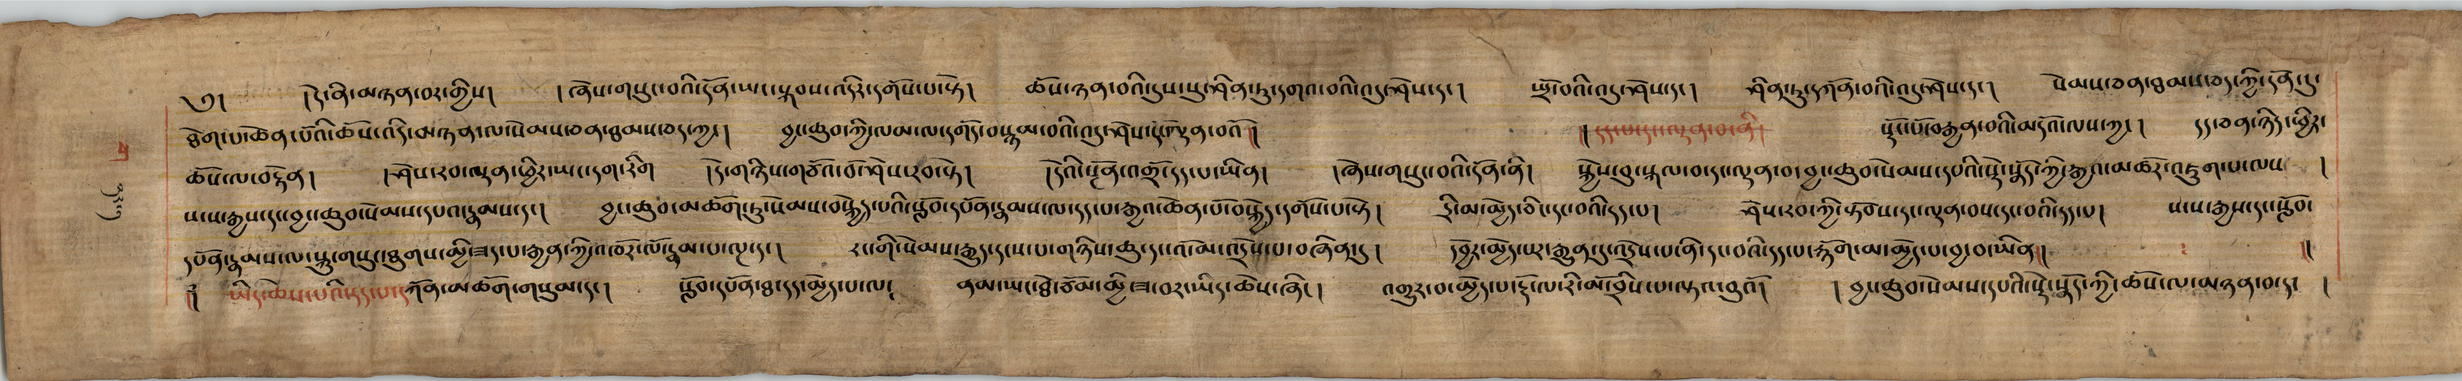༅། །དེ་ནི་མཉན་བར་གྱིས། །ཞེས་གསུང་བའི་དོན་ཡང་སྐབས་འདིར་དགོས་པ་སྟེ། ཆོས་ཉན་བའི་དུས་སུ་ཤིན་ཏུ་དགའ་བའི་འདུ་ཤེས་དང། སྤྲོ་བའི་འདུ་ཤེས་དང། ཤིན་ཏུ་དཀོན་བའི་འདུ་ཤེས་དང། སེམས་ཅན་ཐམས་ཅད་ཀྱི་དོན་དུ་
ཐེག་པ་ཆེན་པོའི་ཆོས་འདི་མཉན་ལ་སེམས་ཅན་ཐམས་ཅད་ཀྱང། བྱང་ཆུབ་ཀྱི་ལམ་ལ་དགོད་བསྙམ་བའི་འདུ་ཤེས་དེ་ལྡན་བའོ།། །། དད་པ་དང་ལྡན་བ་ནི། སྡོང་པོ་བརྒྱན་བའི་མདོའ་ལས་ཀྱང། དད་ཅན་ཉིད་ཕྱིར་
ཆོས་ལ་བརྟེན། །ཤེས་རབ་ལྡན་ཕྱིར་ཡང་དག་རིག །དེ་གཉིས་གཙོའ་བོ་ཤེས་རབ་སྟེ། །དེའི་སྔོན་འགྲོ་དད་པ་ཡིན། །ཞེས་གསུང་བའི་དོན་ནི། སྐྱེས་བུ་སྐལ་བ་དང་ལྡན་བ་བྱང་ཆུབ་སེམས་དཔའི་སྡེ་སྣོད་ཀྱི་རྒྱའ་མཚོར་འཇུག་པ་ལས
སངས་རྒྱས་དང་བྱང་ཆུབ་སེམས་དཔའ་རྣམས་དང། བྱང་ཆུབ་མཆོག་ཏུ་སེམས་བསྐྱེད་པའི་སློབ་དཔོན་རྣམས་ལ་དད་པ་རྒྱའ་ཆེན་པོ་བསྐྱེད་དགོས་པ་སྟེ། དྲི་མ་མྱེད་ཅིང་དང་བའི་དད་པ། ཤེས་རབ་ཀྱི་སྟོབས་དང་ལྡན་བས་དང་བའི་དད་པ། ཤེས་རབ་ཀྱི་སྟོབས་དང་ལྡན་བས་དང་བའི་དད་པ། སངས་རྒྱས་དང་སློབ་
དཔོན་རྣམས་ལ་སྐུ་གསུང་ཐུགས་མྱི་ཟད་པ་རྒྱན་ཀྱི་འཁོར་ལོ་རྣམ་པ་ལྔ་དང། རང་གི་སེམས་རྒྱུད་དངས་པ་གཉིས་ཆུ་དང་འོ་མ་འདྲེས་པ་བཞིན་དུ། དབྱེར་མེད་པར་རྒྱུན་དུ་འདྲེས་པ་ནི་དང་བའི་དད་རྙོག་མ་མྱེད་པ་བྱ་བ་ཡིན།།
།། ཡིད་ཆེས་པའི་དད་པ་དཀོན་མཆོག་གསུམ་དང། སློབ་དཔོན་ཐ་དད་མྱེད་པ་ལ་ ནམ་ཡང་ཐེ་ཙོམ་མྱི་ཟ་བར་ཡིད་ཆེས་ཞིང། འགྱུར་བ་མྱེད་པ་རྡོ་ལ་རི་མོ་བྲིས་པ་ལྟའ་བུའོ། །བྱང་ཆུབ་སེམས་སེམས་དཔའི་སྡེ་སྣོད་ཀྱི་ཆོས་ལ་མཉན་བ་དང །